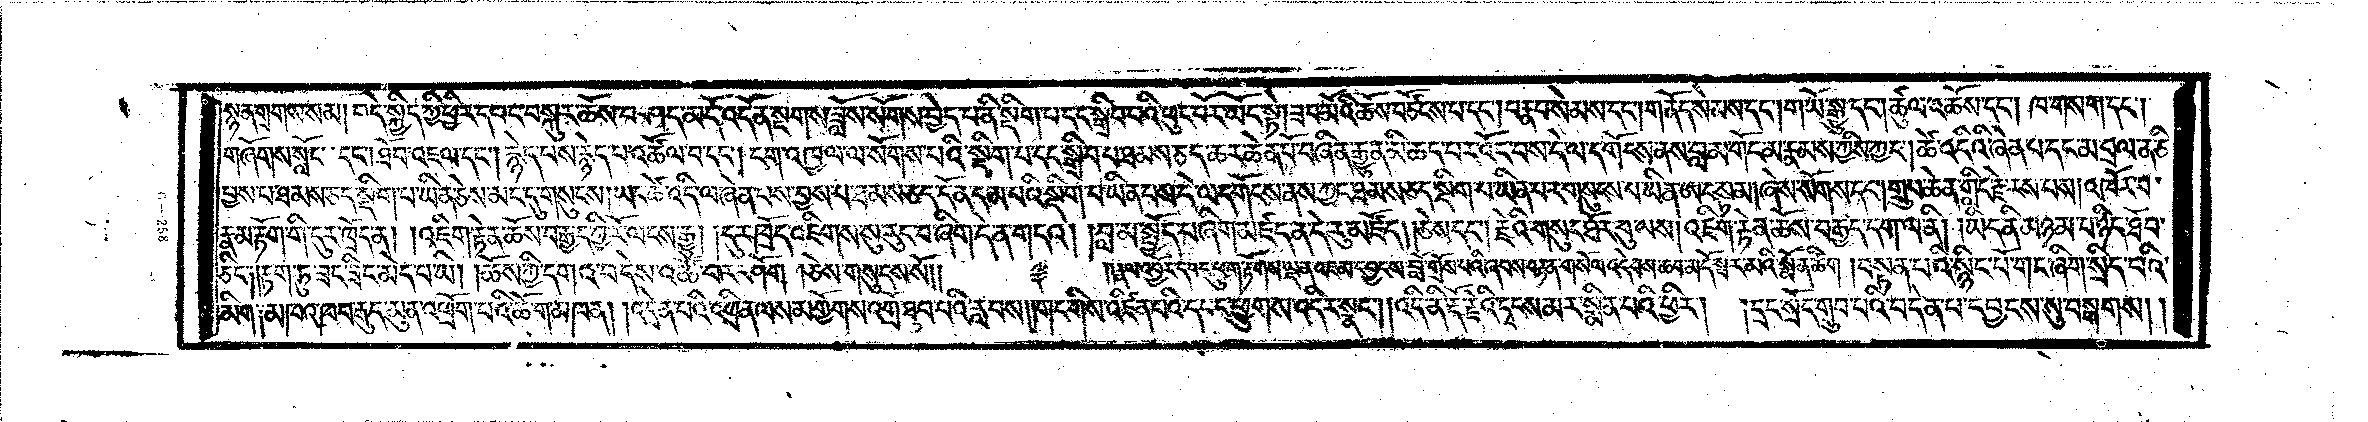སྙན་གྲགས་སམ། བདེ་སྐྱིད་ཀྱི་ཕྱིར་དབང་བསྐུར་ཆོས་བཤད་མདོ་འདོན་སྔགས་ཟློས་སོགས་བྱེད་པ་ནི་སྡིག་པ་དང་སྒྲིབ་པའི་ཕུང་པོར་ཡོངས་ཏེ། ཟབ་མོའི་ཆོས་བཙོངས་པ་དང་། བརྣབ་སེམས་དང་། གནོད་སེམས་དང་། གཡོ་སྒྱུ་དང་། ཚུལ་འཆོས་དང་། ཁ་གསག་དང་།
གཞོགས་སློང་དང་། ཐོབ་འཇལ་དང་། རྙེད་པས་རྙེད་པ་འཚོལ་བ་དང་། ངག་འཁྱལ་ལ་སོགས་པའི་སྡིག་པ་དང་སྒྲིབ་པ་ཐམས་ཅད་ཆར་ཆེན་པོ་བཞིན་རྒྱུན་མི་ཆད་པར་འོང་པས་དེ་ལ་དགོངས་ནས་བླ་མ་གོང་མ་རྣམས་ཀྱིས་ཀྱང་། ཚེ་འདིའི་ཞེན་པ་དང་མ་བྲལ་ན་ཅི་
བྱས་པ་ཐམས་ཅད་སྡིག་པ་ཡིན་ཅེས་མང་དུ་གསུངས། ཡང་ཚེ་འདི་ལ་ཞེན་པས་བྱས་པ་ཐམས་ཅད་དོན་དམ་པའི་སྡིག་པ་ཡིན་པས་དེ་ལ་དགོངས་ནས་ཀྱང་ཐམས་ཅད་སྡིག་པ་ཡིན་པར་གསུངས་པ་ཡིན་ཨང་སྟམ། ཞེས་སོགས་དང་། གྲུབ་ཆེན་གླིང་རྗེ་རས་པས། འཁོར་བ་
རྣམ་རྟོག་གི་དུར་ཁྲོད་ན། །འཇིག་རྟེན་ཆོས་བརྒྱད་ཀྱི་རོ་ལངས་རྒྱུ། །དུར་ཁྲོད་འཇིགས་སུ་རུང་བ་ཞིག་དེ་ན་གདའ། །བླ་མ་སྤྱོད་པ་ཞིག་མཛད་ན་དེ་རུ་མཛོད། །ཅེས་དང་། རྗེའི་གསུང་ཐོར་བུ་ལས། འཇིག་རྟེན་ཆོས་བརྒྱད་དག་ལ་ནི། །ཡིད་ནི་མཉམ་པ་ཉིད་ཐོབ་
ཅིང༑ །རྟག་ཏུ་ཟང་ཟིང་མེད་པ་ཡི། །ཆོས་ཀྱི་དགའ་བ་དེས་འཚོ་བར་ཤོག །ཅེས་གསུངས་སོ།། ༈ །།རྣལ་འབྱོར་དབང་ཕྱུག་རྟོགས་ལྡན་འཇམ་དབྱངས་བློ་གྲོས་པའི་ཞབས་བརྟན་གསོལ་འདེབས་ཆབ་མདོ་སྤར་མའི་སྨོན་ཚིག་་།བསྟན་པའི་སྙིང་པོ་གང་ཞིག་སྲིད་བའི་
མིག ༑མཁའ་ཁབ་རྒུད་མུན་འཕྲོག་པའི་ཆོ་ག་མཁན། །འདྲེན་པའི་འཕྲིན་ལས་མགྱོགས་འགྲོ་ཐུབ་བའི་རླབས། །གང་གིས་འཛིན་པའི་དབང་ཕྱུགས་འདིར་སྣང་། །འདི་ནི་རྡོ་རྗེའི་དྭངས་མར་སྨིན་པའི་ཕྱིར། །དྲང་སྲོང་གྲུབ་པའི་བདེན་པ་དབྱངས་སུ་བསྒགས།།